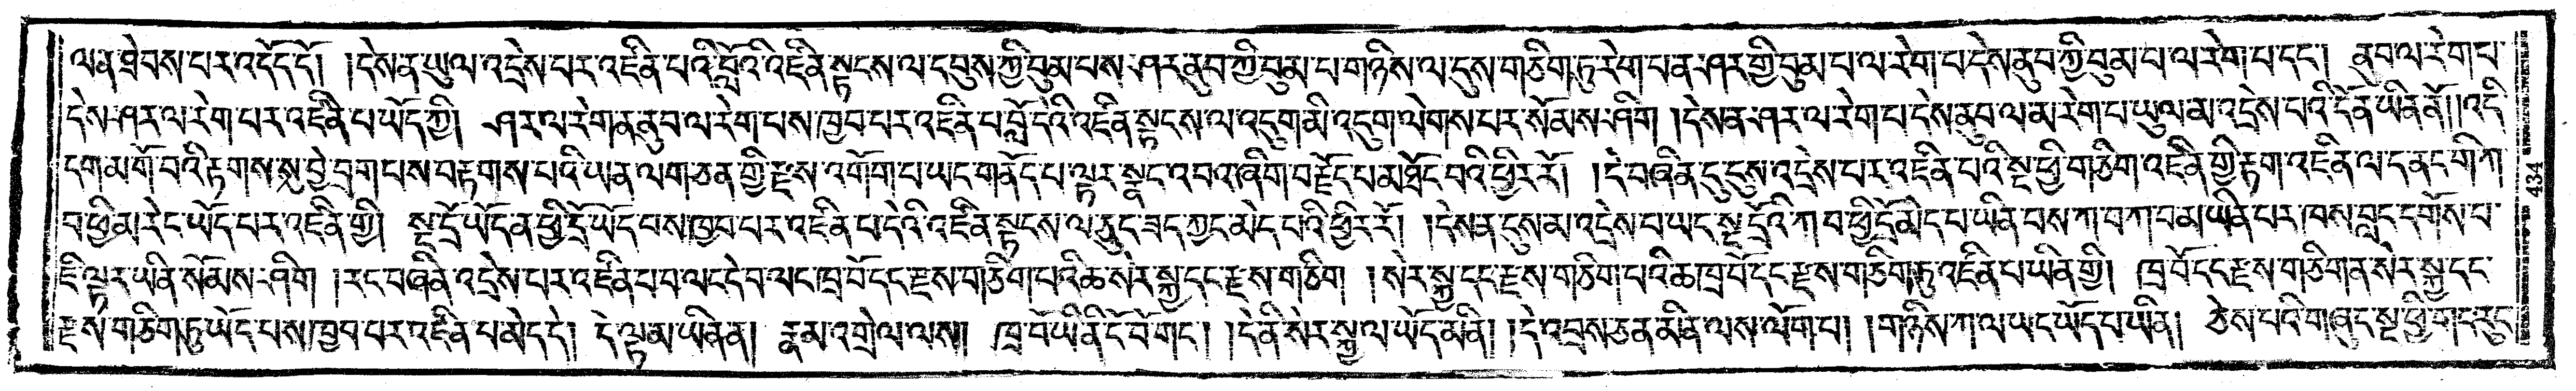ལན་ཐེབས་པར་འདོད་དོ། །དེས་ན་ཡུལ་འདྲེས་པར་འཛིན་པའི་བློའི་འཛིན་སྟངས་ལ་དབུས་ཀྱི་བུམ་པས་ཤར་ནུབ་ཀྱི་བུམ་པ་གཉིས་ལ་དུས་གཅིག་ཏུ་རེག་པ་ན་ཤར་གྱི་བུམ་པ་ལ་རེག་པ་དེས་ནུབ་ཀྱི་བུམ་པ་ལ་རེག་པ་དང་། ནུབ་ལ་རེག་པ་
དེས་ཤར་ལ་རེག་པར་འཛིན་པ་ཡོད་ཀྱི། ཤར་ལ་རེག་ན་ནུབ་ལ་རེག་པས་ཁྱབ་པར་འཛིན་པ་བློ་དེའི་འཛིན་སྟངས་ལ་འདུག་མི་འདུག་ལེགས་པར་སོམས་ཤིག །དེས་ན་ཤར་ལ་རེག་པ་དེས་ནུབ་ལ་མ་རེག་པ་ཡུལ་མ་འདྲེས་པའི་དོན་ཡིན་ནོ། །འདི་
དག་མགོ་བའི་རྟགས་སུ་བྱེ་བྲག་པས་བརྟགས་པའི་ཡན་ལག་ཅན་གྱི་རྫས་འགོག་པ་ཡང་གནོད་པ་ལྟར་སྣང་འབའ་ཞིག་བརྗོད་པ་མཐོང་བའི་ཕྱིར་རོ། །དེ་བཞིན་དུ་དུས་འདྲེས་པར་འཛིན་པའི་སྔ་ཕྱི་གཅིག་འཛིན་གྱི་རྟག་འཛིན་ལ་ད་ནང་གི་ཀ་
བ་ཕྱི་མ་རེད་ཡོད་པར་འཛིན་གྱི། སྔ་དྲོ་ཡོད་ན་ཕྱི་དྲོ་ཡོད་པས་ཁྱབ་པར་འཛིན་པ་དེའི་འཛིན་སྟངས་ལ་ཅུང་ཟད་ཀྱང་མེད་པའི་ཕྱིར་རོ། །དེས་ན་དུས་མ་འདྲེས་པ་ཡང་སྔ་དྲོའི་ཀ་བ་ཕྱི་དྲོ་མེད་པ་ཡིན་པས་ཀ་བ་ཀ་བ་མ་ཡིན་པར་ཁས་བླང་དགོས་པ་
ཇི་ལྟར་ཡིན་སོམས་ཤིག །རང་བཞིན་འདྲེས་པར་འཛིན་པ་བ་ལང་དེ་བ་ལང་ཁྲ་བོ་དང་རྫས་གཅིག་པའི་ཆ་སེར་སྐྱ་དང་རྫས་གཅིག །སེར་སྐྱ་དང་རྫས་གཅིག་པའི་ཆ་ཁྲ་བོ་དང་རྫས་གཅིག་ཏུ་འཛིན་པ་ཡིན་གྱི། ཁྲ་བོ་དང་རྫས་གཅིག་ན་སེར་སྐྱ་དང་
རྫས་གཅིག་ཏུ་ཡོད་པས་ཁྱབ་པར་འཛིན་པ་མེད་དེ། དེ་ལྟ་མ་ཡིན་ན། རྣམ་འགྲེལ་ལས། ཁྲ་བོ་ཡི་ནི་ངོ་བོ་གང་། །དེ་ནི་སེར་སྐྱ་ལ་ཡོད་མིན། །དེ་འབྲས་ཅན་མིན་ལས་ལོག་པ། །གཉིས་ཀ་ལ་ཡང་ཡོད་པ་ཡིན། ཅེས་པའི་གཞུང་སྔ་ཕྱི་གང་རུང་